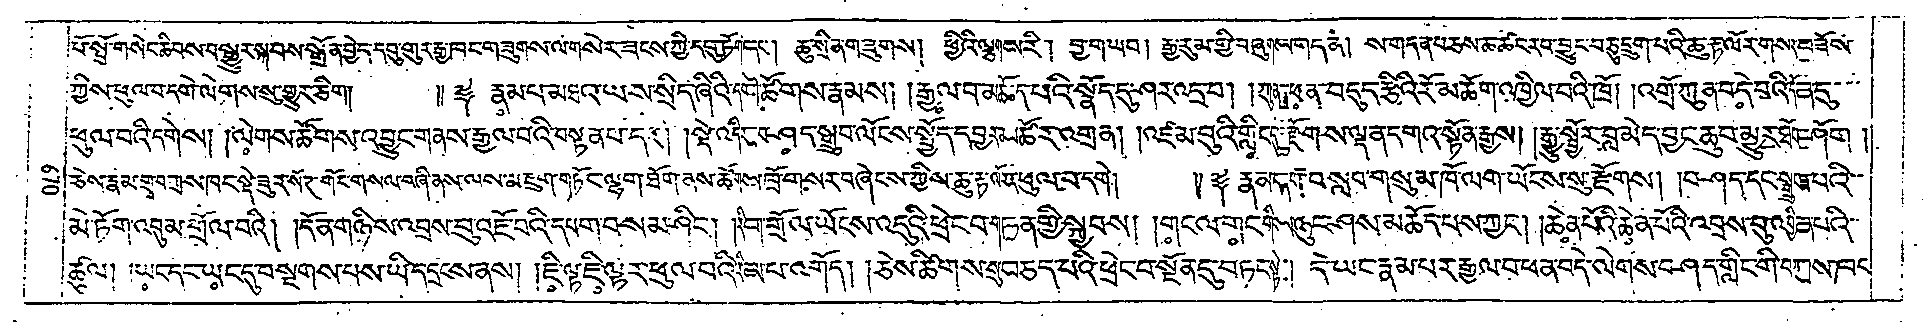པོ་སྤྲོ་གསེང་ཆིབས་བསྒྱུར་སྐབས་སྒྲོན་བྱེད་དབུ་གུར་རྒྱ་ཁང་གཟུགས་ལ་གསེར་ཟངས་ཀྱི་དབུ་ཏོག་དང་། ཆུ་སྲིན་གཟུགས། ཕྱིའི་ལྕགས་རི། བྱ་གཡབ། རྒྱ་རུམ་གྱི་བཞུགས་གདན། ས་གདན་བཅས་ཆ་ཚང་རབ་བྱུང་བཅུ་དྲུག་པའི་ཆུ་རྟ་ལོར་གསར་བཟོས་
ཀྱིས་ཕུལ་བ་དགེ་ལེགས་སུ་གྱུར་ཅིག ། །། ༈ རྣམ྾་པ་མཐའ་ཡས་སྲིད་ཞིའི་དགེ་ཚོགས་རྣམས། །རྒྱལ྾་བ་མཆོད་པའི་སྣོད་དུ་ཤར་འདྲ་བ། །ཀུན་ཕན྾་བདུད་རྩིའི་རོ་མཆོག་འཁྱིལ་བའི་ཁྲོ། །འགྲོ་ཀུན་བདེ྾་བའི་དོན་དུ་
ཕུལ་བའི་དགེས། །ལེགས྾་ཚོགས་འབྱུང་གནས་རྒྱལ་བའི་བསྟན་པ་དར། །སྡེ་འདིར་བཤད྾་སྒྲུབ་ལོངས་སྤྱོད་དབྱར་མཚོར་འགྲན། །འཛམ་བུའི་གླིང྾་དུ་རྫོགས་ལྡན་དགའ་སྟོན་རྒྱས། །རྒྱུ་སྦྱོར་བླ་མེད་བྱང་ཆུབ་མྱུར་ཐོབ་ཤོག །
ཅེས་རྣམ་གྲྭ་བཀྲས་ཁང་སྡེ་ཟུར་སོགས་གོང་གསལ་བཞི་ནས་ལས་མཇུག་གཏོང་ལྷག་ཐོག་ནས་ཚོགས་ཁྲོ་གསར་བཞེངས་ཀྱིས་ཆུ་རྟ་ལོར་ཕུལ་བ་དགེ །  །། ༈ རྣམ་དག་བསླབ་གསུམ་ཁོ་ལག་ཡོངས་སུ་རྫོགས། །བཤད་དང་སྒྲུབ་པའི་
མེ་ཏོག་འབུམ་གྲོལ་བའི། །དོན་གཉིས་འབྲས་བུ་འཇོ་བའི་དཔག་བསམ་ཤིང་། །རིག་གྲོལ་ཡོངས་འདུའི་ཕྲེང་བ་གཏན་གྱི་སྐྱབས། །གང྾་ལ་གང྾་གིས་ཉུང་ཤས་མཆོད་པས་ཀྱང་། །ཆེན྾་པོའི་ཆེན྾་པོའི་འབྲས་བུ་འབྱིན་པའི་
ཚུལ། །ཡང྾་དང་ཡང྾་དུ་བསྔགས་པས་ཡིད་དྲངས་ནས། །ཇི྾་ལྟ་ཇི྾་ལྟར་ཕུལ་བའི་རིམ་པ་འགོད། །ཅེས་ཚིགས་སུ་བཅད་པའི་ཕྲེང་པྦ་སྔོན་དུ་བཏང་སྟེ། དེ་ཡང་རྣམ་པར་རྒྱལ་བ་ཕན་བདེ་ལེགས་བཤད་གླིང་གི་བཀྲས་ཁང་